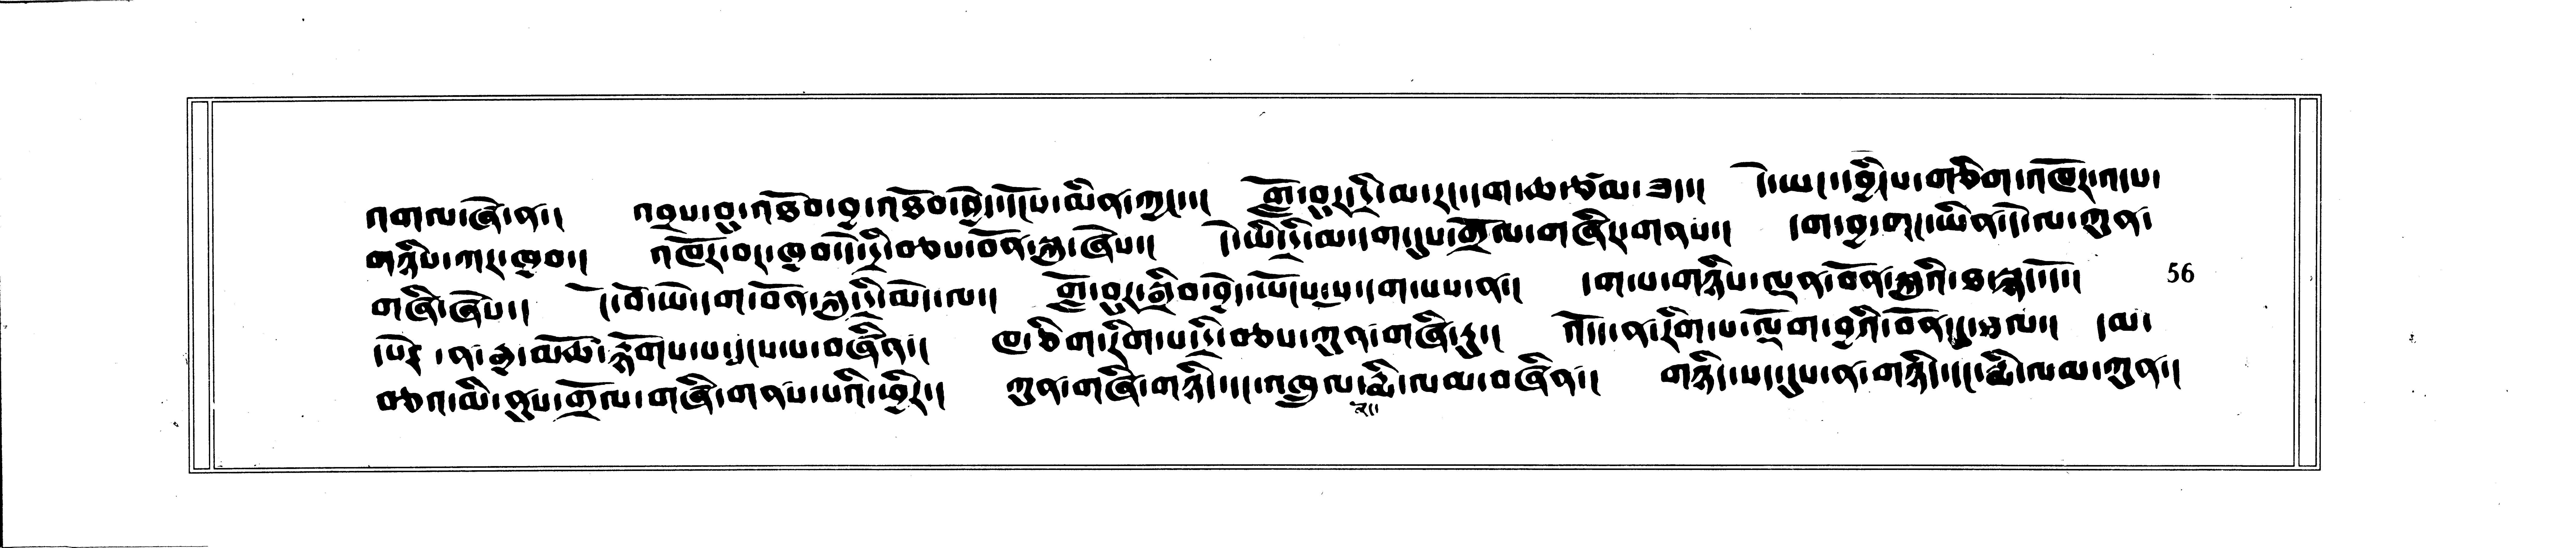འགལ་ཞེ་ན། །འབྲས་བུ་འཐོབ་བྱ་ཐོབ་བྱེད་དངོས་མིན་ཀྱང་། །གློ་བུར་དྲི་མ་རང་དག་ཆ་ཙམ་ཟད། །དེ་ཡང་དབྱིངས་གཅིག་འཁོར་འདས་
གཉིས་ཀར་ཁྱབ། །འཁོར་བར་ཁྱབ་དེ་དྲི་བཅས་བོན་སྐུ་ཞེས། །དེ་ཡི་དྲི་མ་དག་དུས་གྲོལ་གཞིར་གནས། །དག་བྱ་གང་ཡིན་དེ་ལ་ཀུན་
གཞི་ཞེས། །ངོ་བོ་ཡེ་དག་བོན་སྐུ་དྲི་མེད་ལ། །གློ་བུར་སྒྲིབ་བྱེད་ཡོངས་སུ་དག་པས་ན། །དག་པ་གཉིས་ལྡན་བོན་སྐུའི་ཐ་སྙད་དོ།
།དཔེར་ན་རྒྱ་མཚོ་རྙོགས་པ་དངས་པ་བཞིན། །ཁ་ཅིག་རིག་པ་དྲི་བཅས་ཀུན་གཞི་རུ། །འདོད་ན་རིག་པ་ལྡོག་བྱའི་བོན་དུ་ཐལ། །དམ་
བཅའ་མི་ནུས་གྲོལ་གཞི་གནས་པའི་ཕྱིར། །ཀུན་གཞི་གཉིད་དང་འཁྲུལ་སྣང་རྨི་ལམ་བཞིན། །གཉིད་སད་དུས་ན་གཉིད་དང་རྨི་ལམ་ཀུན། །